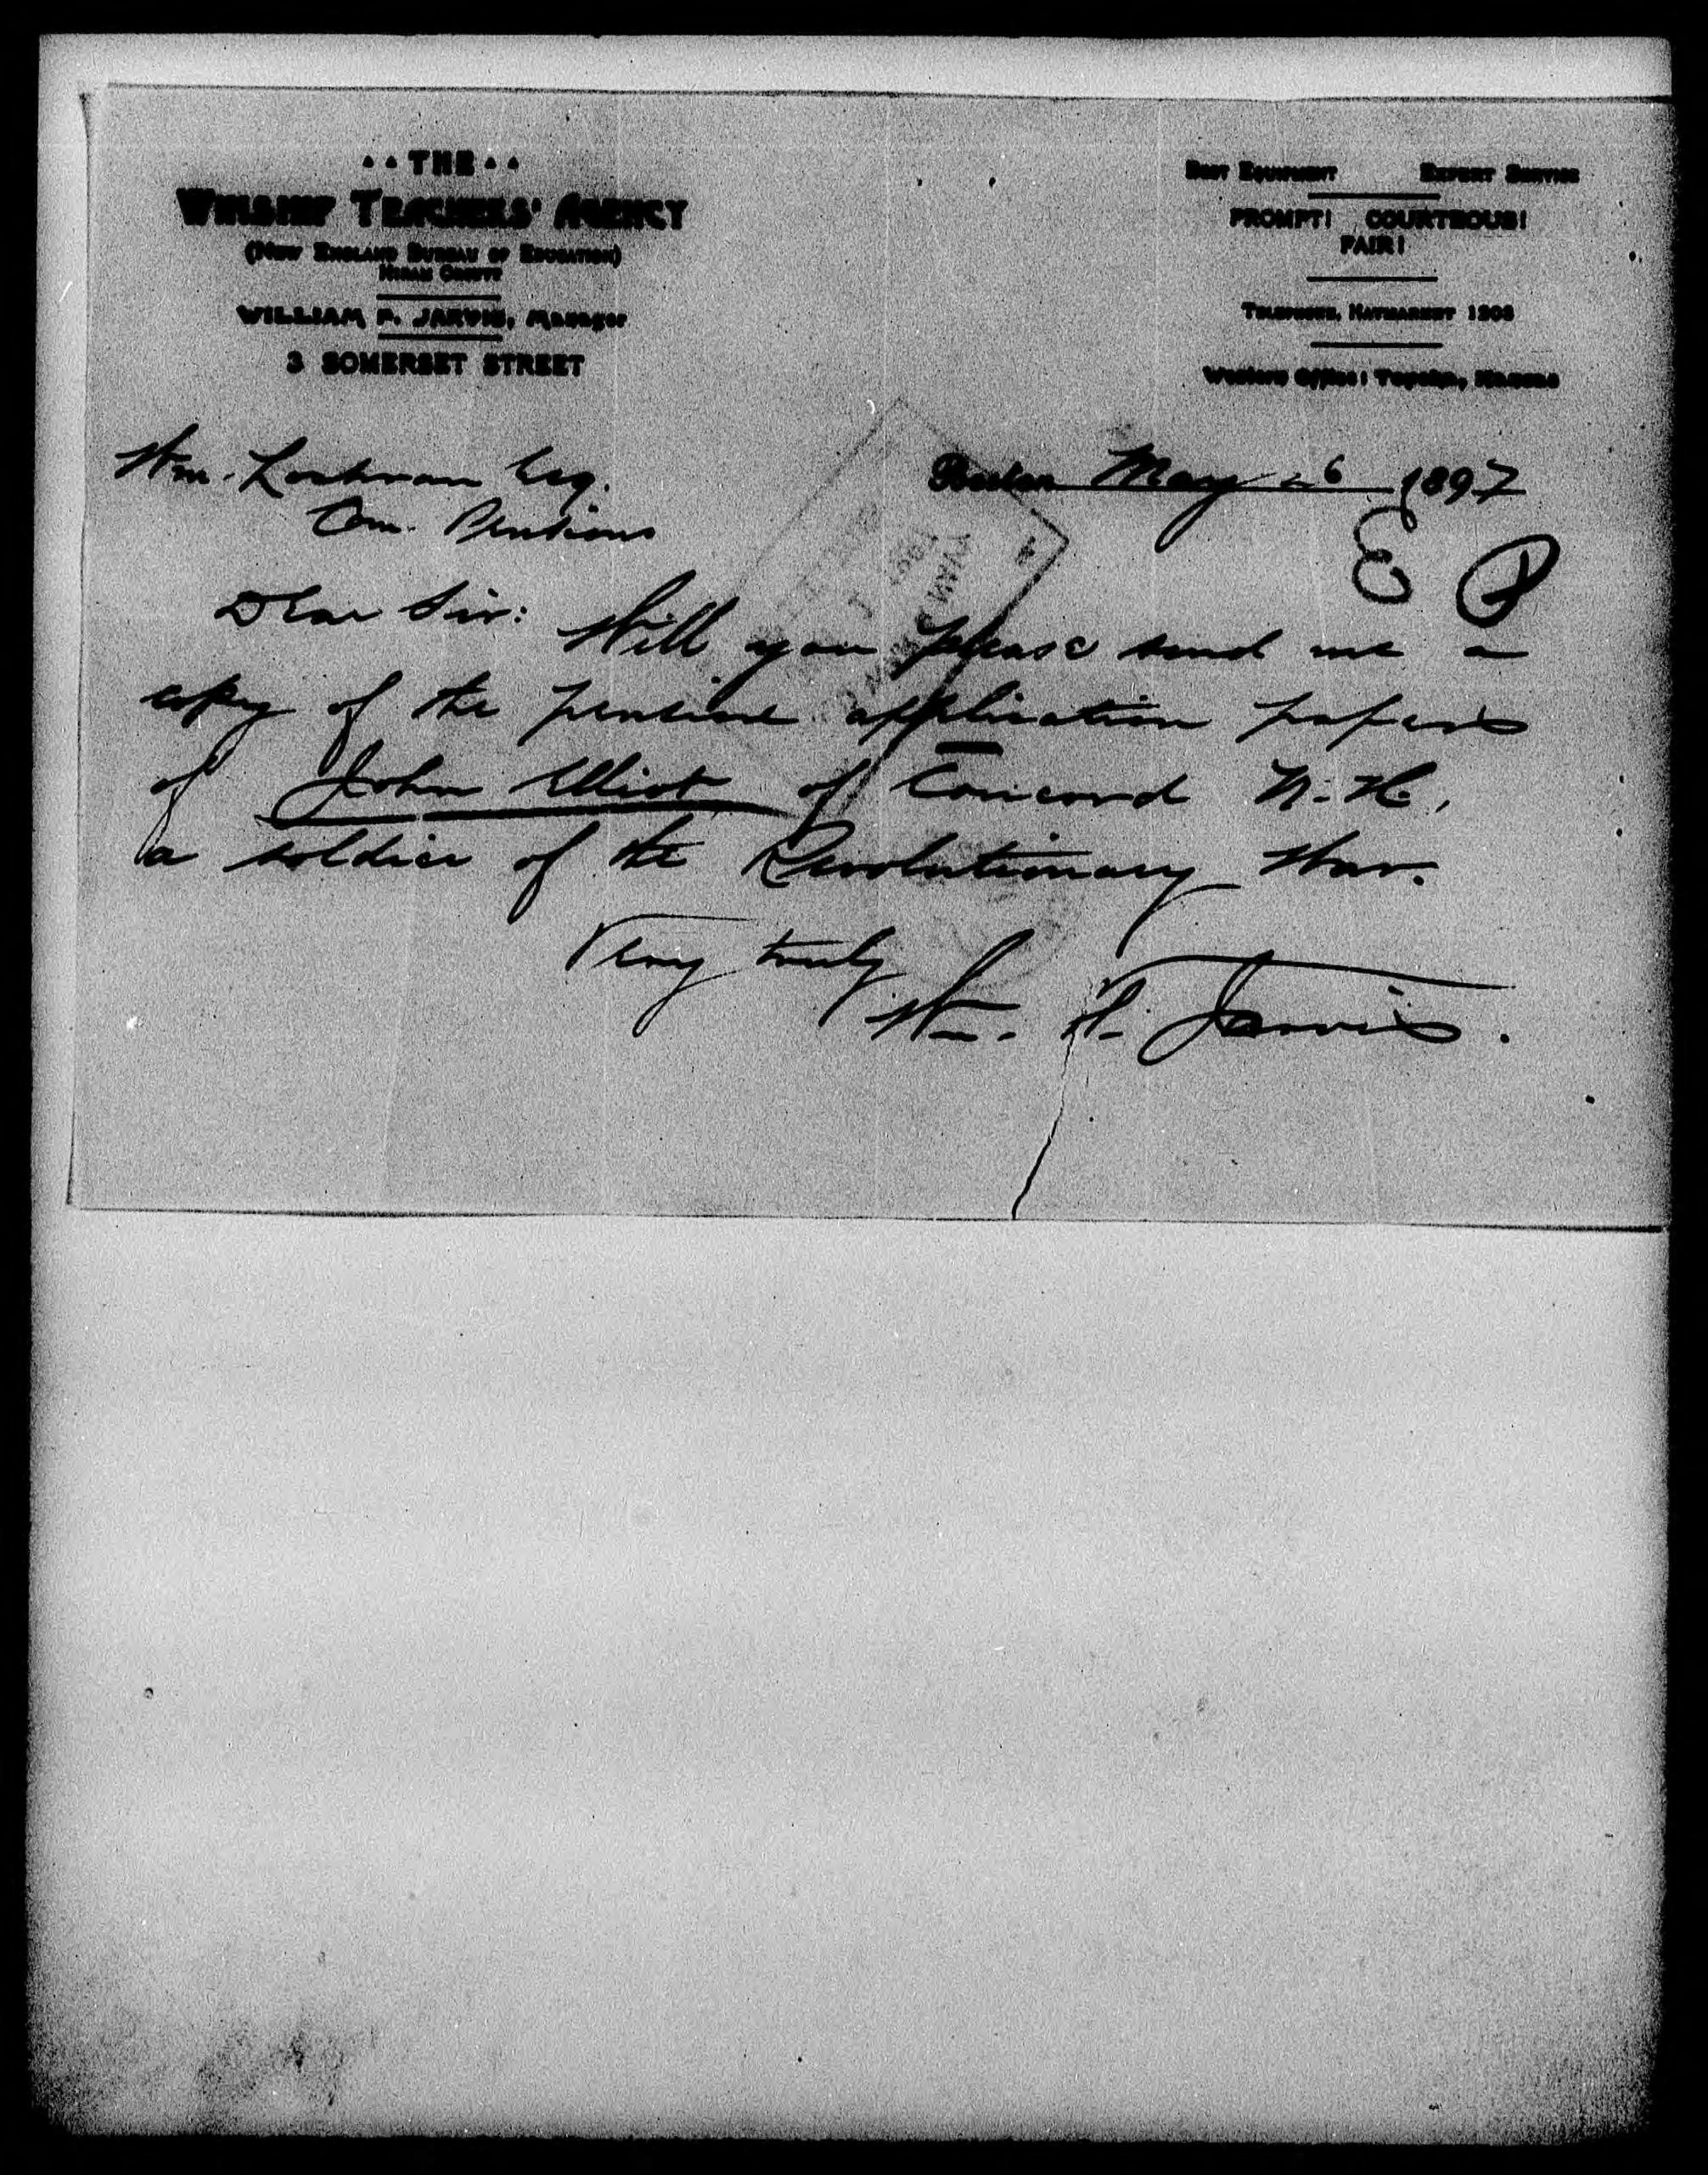THE
[ILLEGIBLE] AGENCY
(New England Bureau of Education)
[illegbile] County
WILLIAM P. JARVIS, Manager
3 SOMERSET STREET
Best Equipment  Export [illegible]
PROMPT:  COURTEOUS!
FAIR!
[illegible] 
Boston May 26 1897
E P
Wm Lochran Esq
Com Pensions
Dear Sir
Will you please send me a
copy of the pension application papers
of John Elliot off Concord N.H.
a soldier of the Revolutionary War
---
Very truly
W P Jarvis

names: Wm Lochran, John Elliot, William P Jarvis, Wm P Jarvis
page: 22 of 57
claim: widow's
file: W. 16,114, John Elliot, Continental (Mass) N.H.